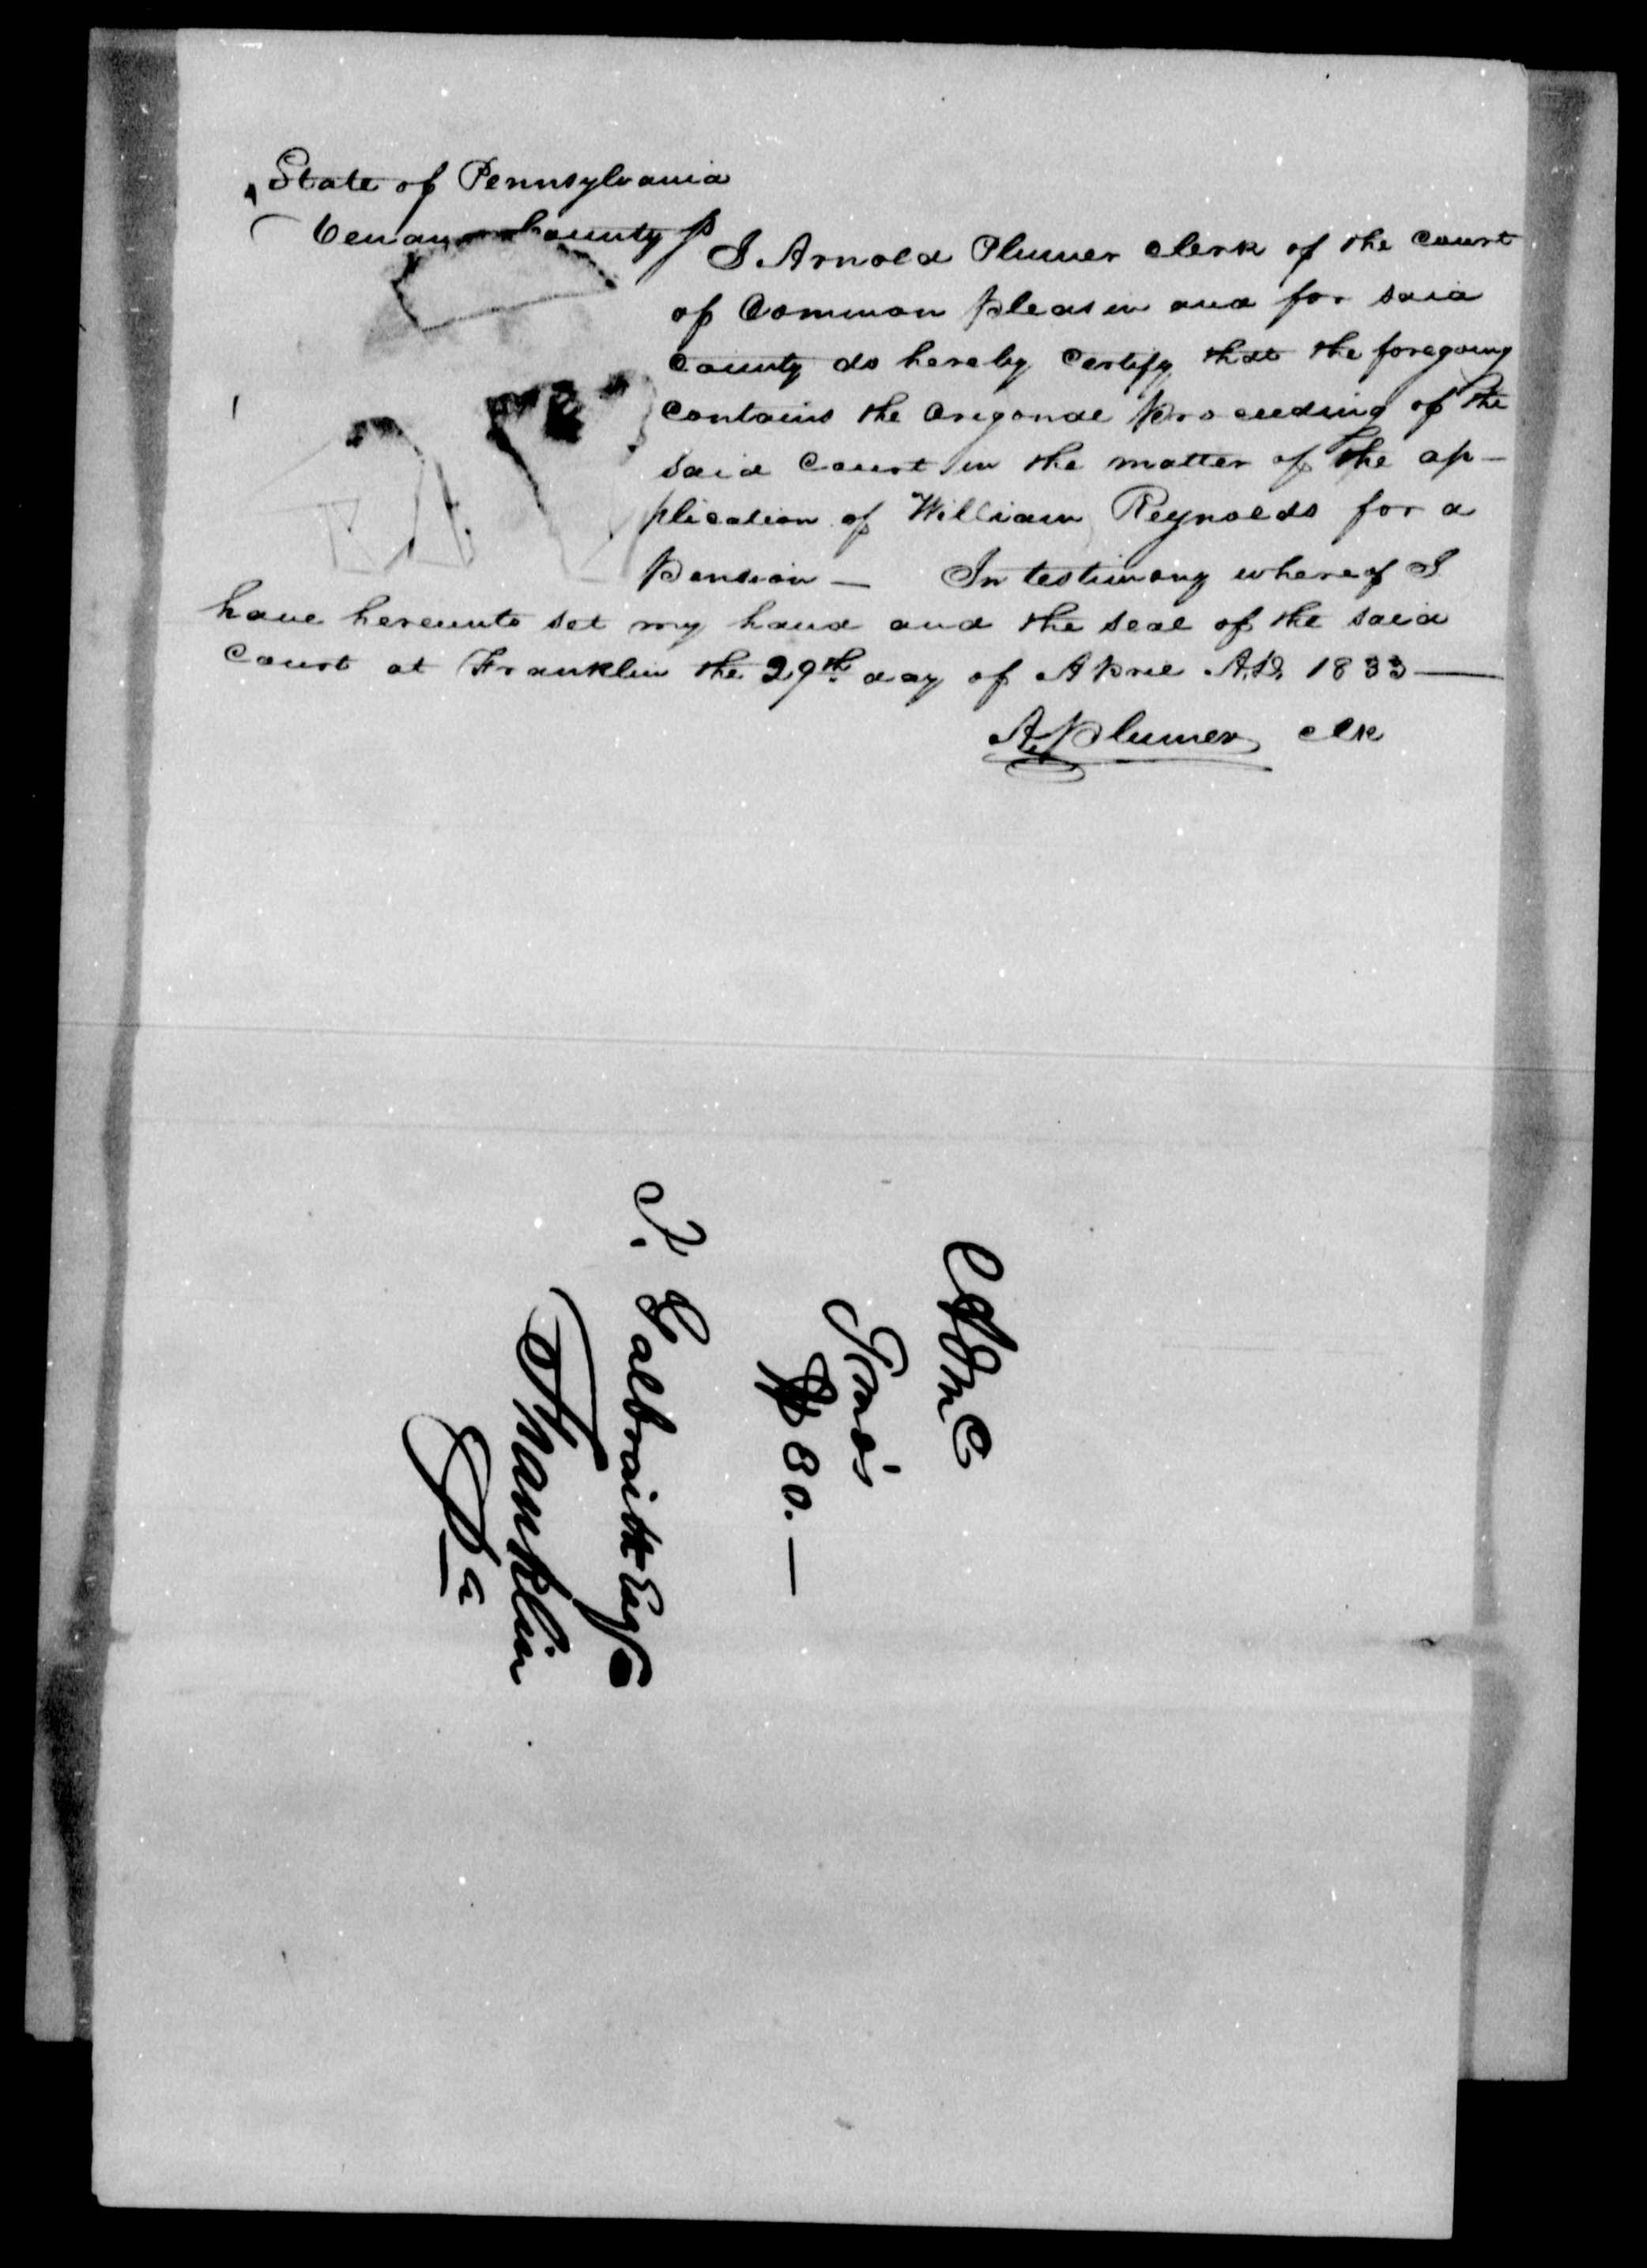State of Pennsylvania
Venango County 
J Arnold Plummer Clerk of the Court
of Common pleased and for said
County do hereby certify that the foregoing
contains the original proceeding of the
said Court in the matter of the
application of William Reynolds for a
pension - In testimony whereof I
have hereunto set my hand and the seal of the said
Court at Franklin the 29th day of April A.D. 1833-
A Plummer clk

Adm
$80.___
J. Galbraith Esq
Franklin  Pa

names: A Plumer; William Reynolds; Arnold Plumer; J Galbraith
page: 8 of 19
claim: survivor's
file: S. 14,273, for William Reynolds, Pennsylvania